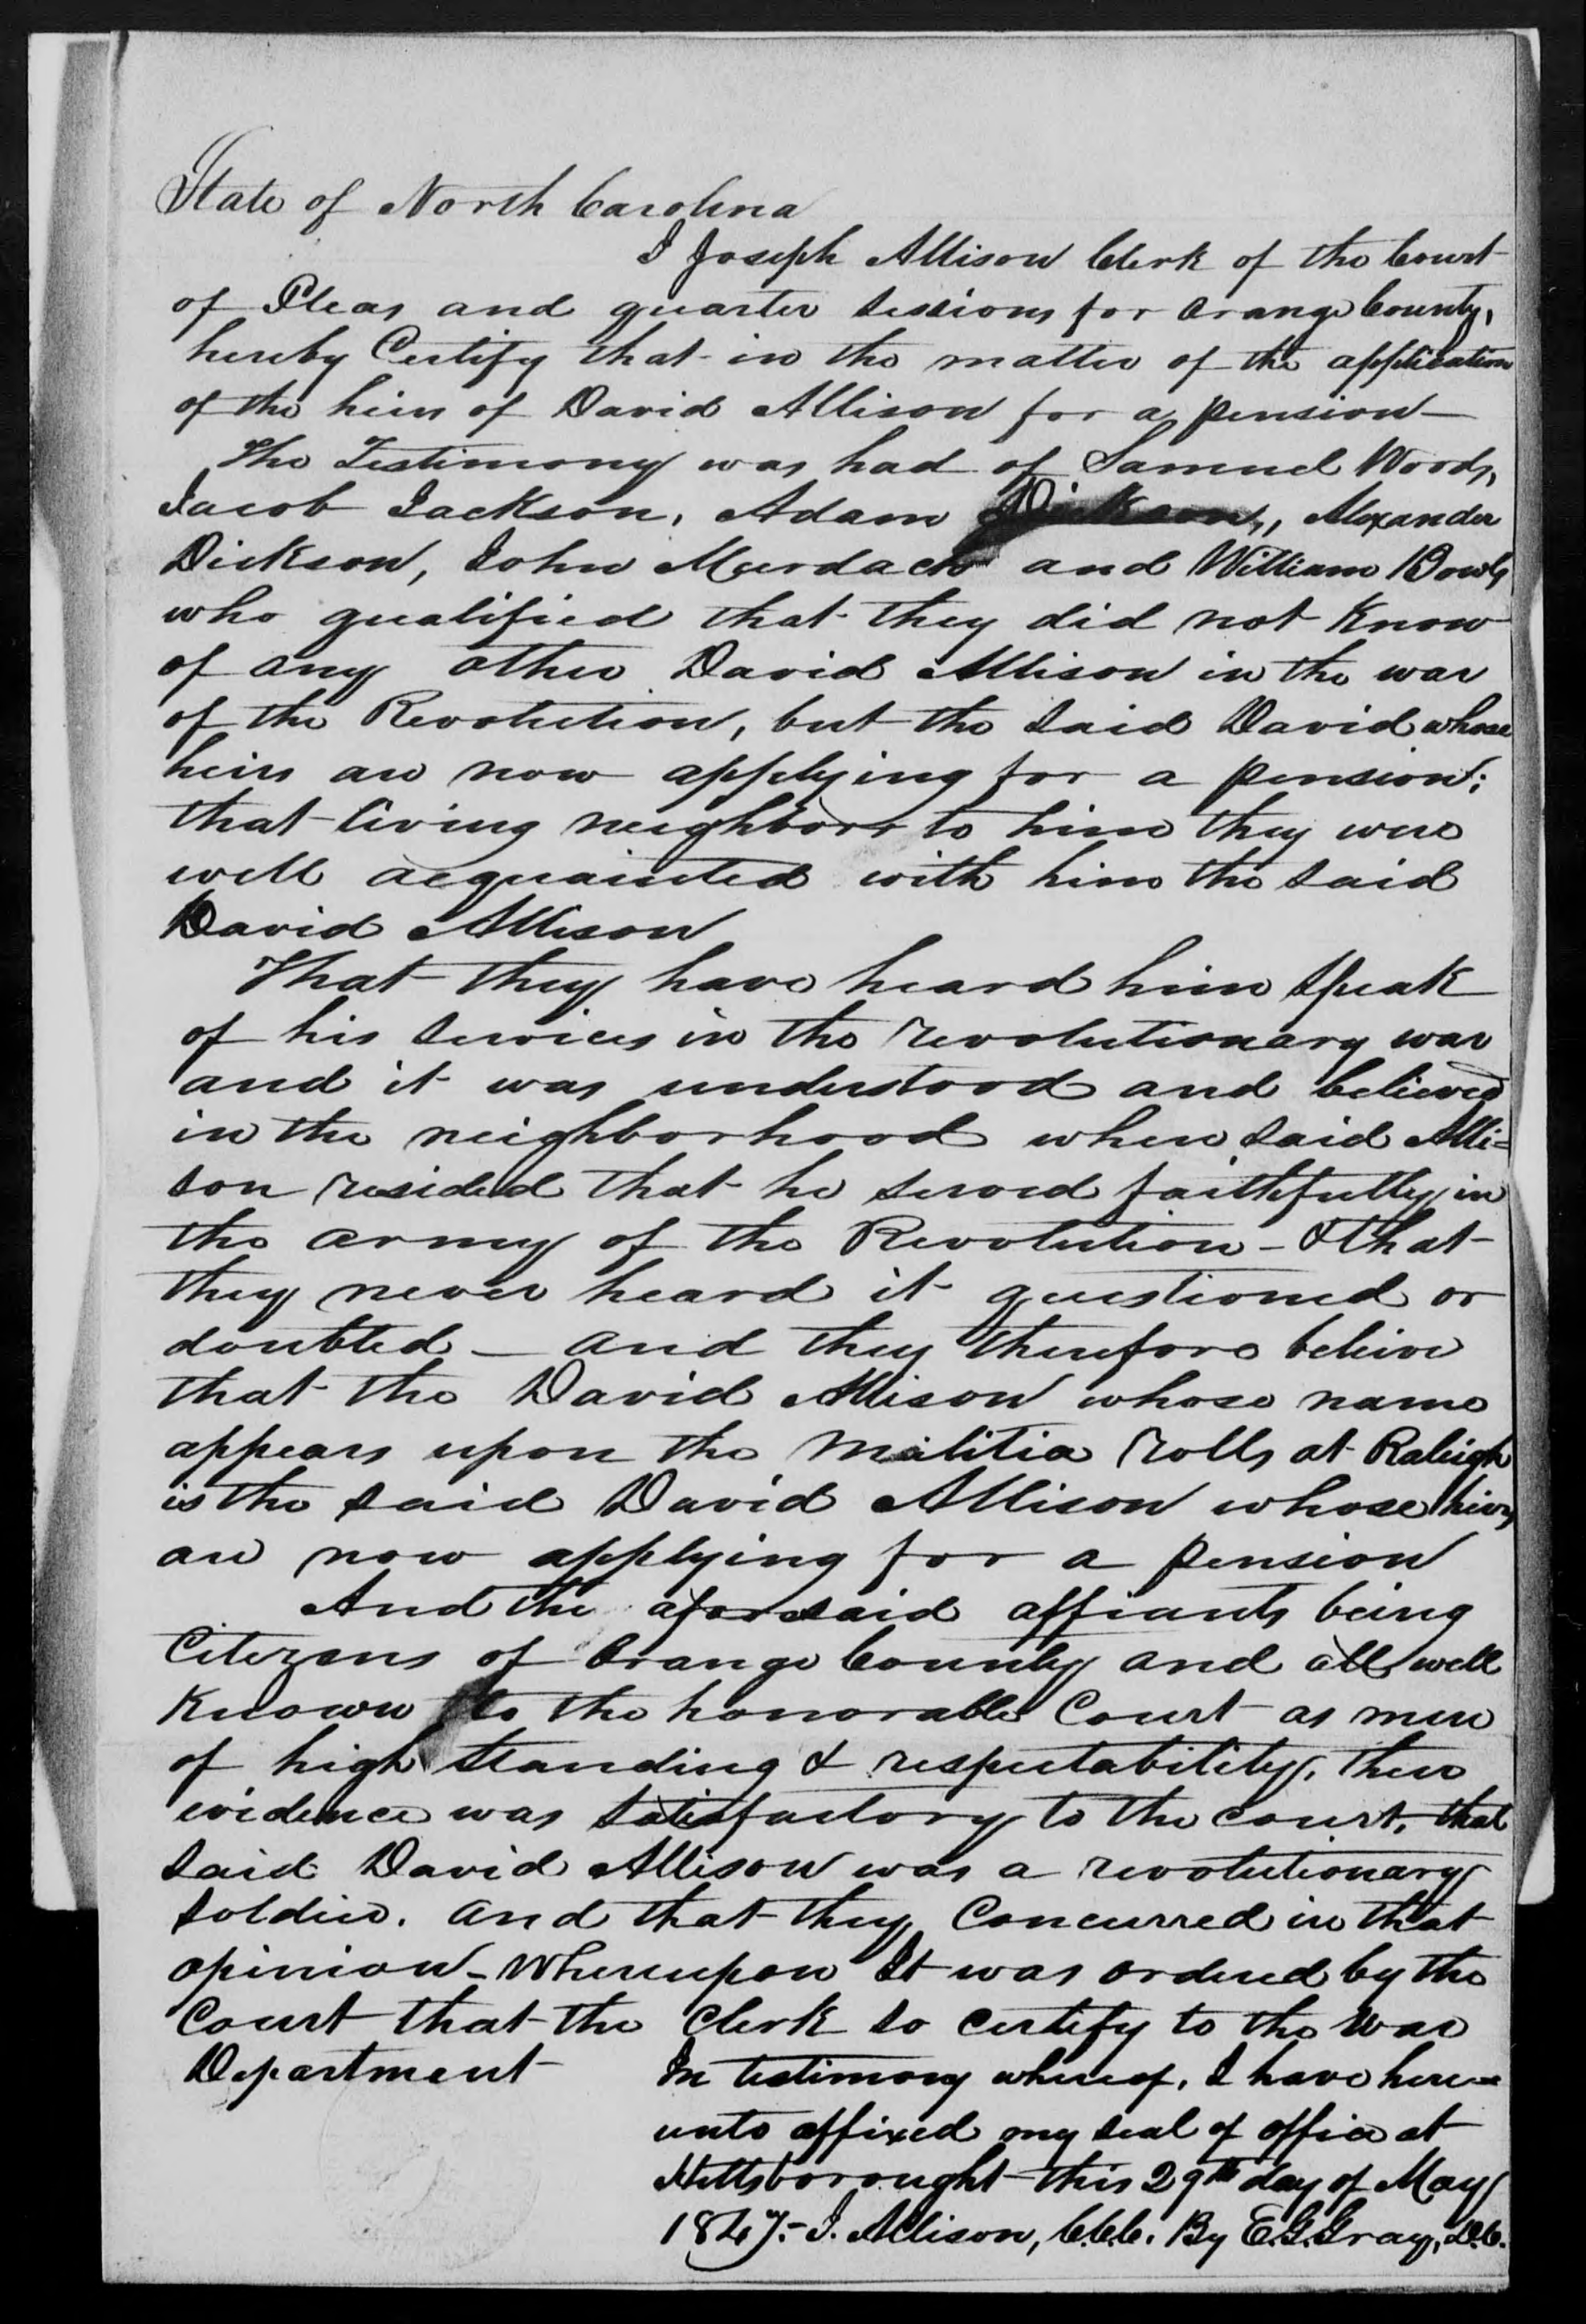State of North Carolina 
I Joseph Allison Clerk of the Court of Pleas and quarter session for Orange county hereby certify that in the matter of the application of the heirs of David Allison for a pension.
The testimony was had of Samuel Woods, Jacob Jackson, Adam Dickson, Alexander Dickson, John Murdack and William Bowls, who qualified that they did not know of any other David Allison in the war of the Revolution, but the said David whose heirs are now applying for a pension; that living neighbors to him they were well acquainted with him  the said David Allison.
That they have heard him speak of his services in the revolutionary war and it was understood and believed in the neighborhood where said Allison resided that he served faithfully in the army of the Revolution and that they never heard it questioned or doubted.  And they therefore believe that the David Allison whose name appears upon the militia rolls at Raleigh is the said David Allison whose heirs are now applying for a pension.
And the aforesaid affiants being citizens of Orange County and all well known to the honorable court as men of high standing and respectability. Their evidence was satisfactory to the court, that said David Allison was a revolutionary soldier, and that they concurred in that opinion.  Whereupon it was ordered by the court that the clerk so certify to the War Department.
In testimony whereof, I have hereunto affixed my seal of office at Hattsborough this 29th day of May 1847. 
J Allison, Clerk by E G Gray, D C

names: J Allison, David Allison, E G Gray, David Allison, Adam Dickson, David Allison, David Allison, Joseph Allison, John Murdach, Samuel Woods, Jacob Jackson, Alexander Dickson, David Allison, David Allison, David, Allison, William Bowls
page: 30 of 33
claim: rejected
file: R. 155, David Allison, N.C.